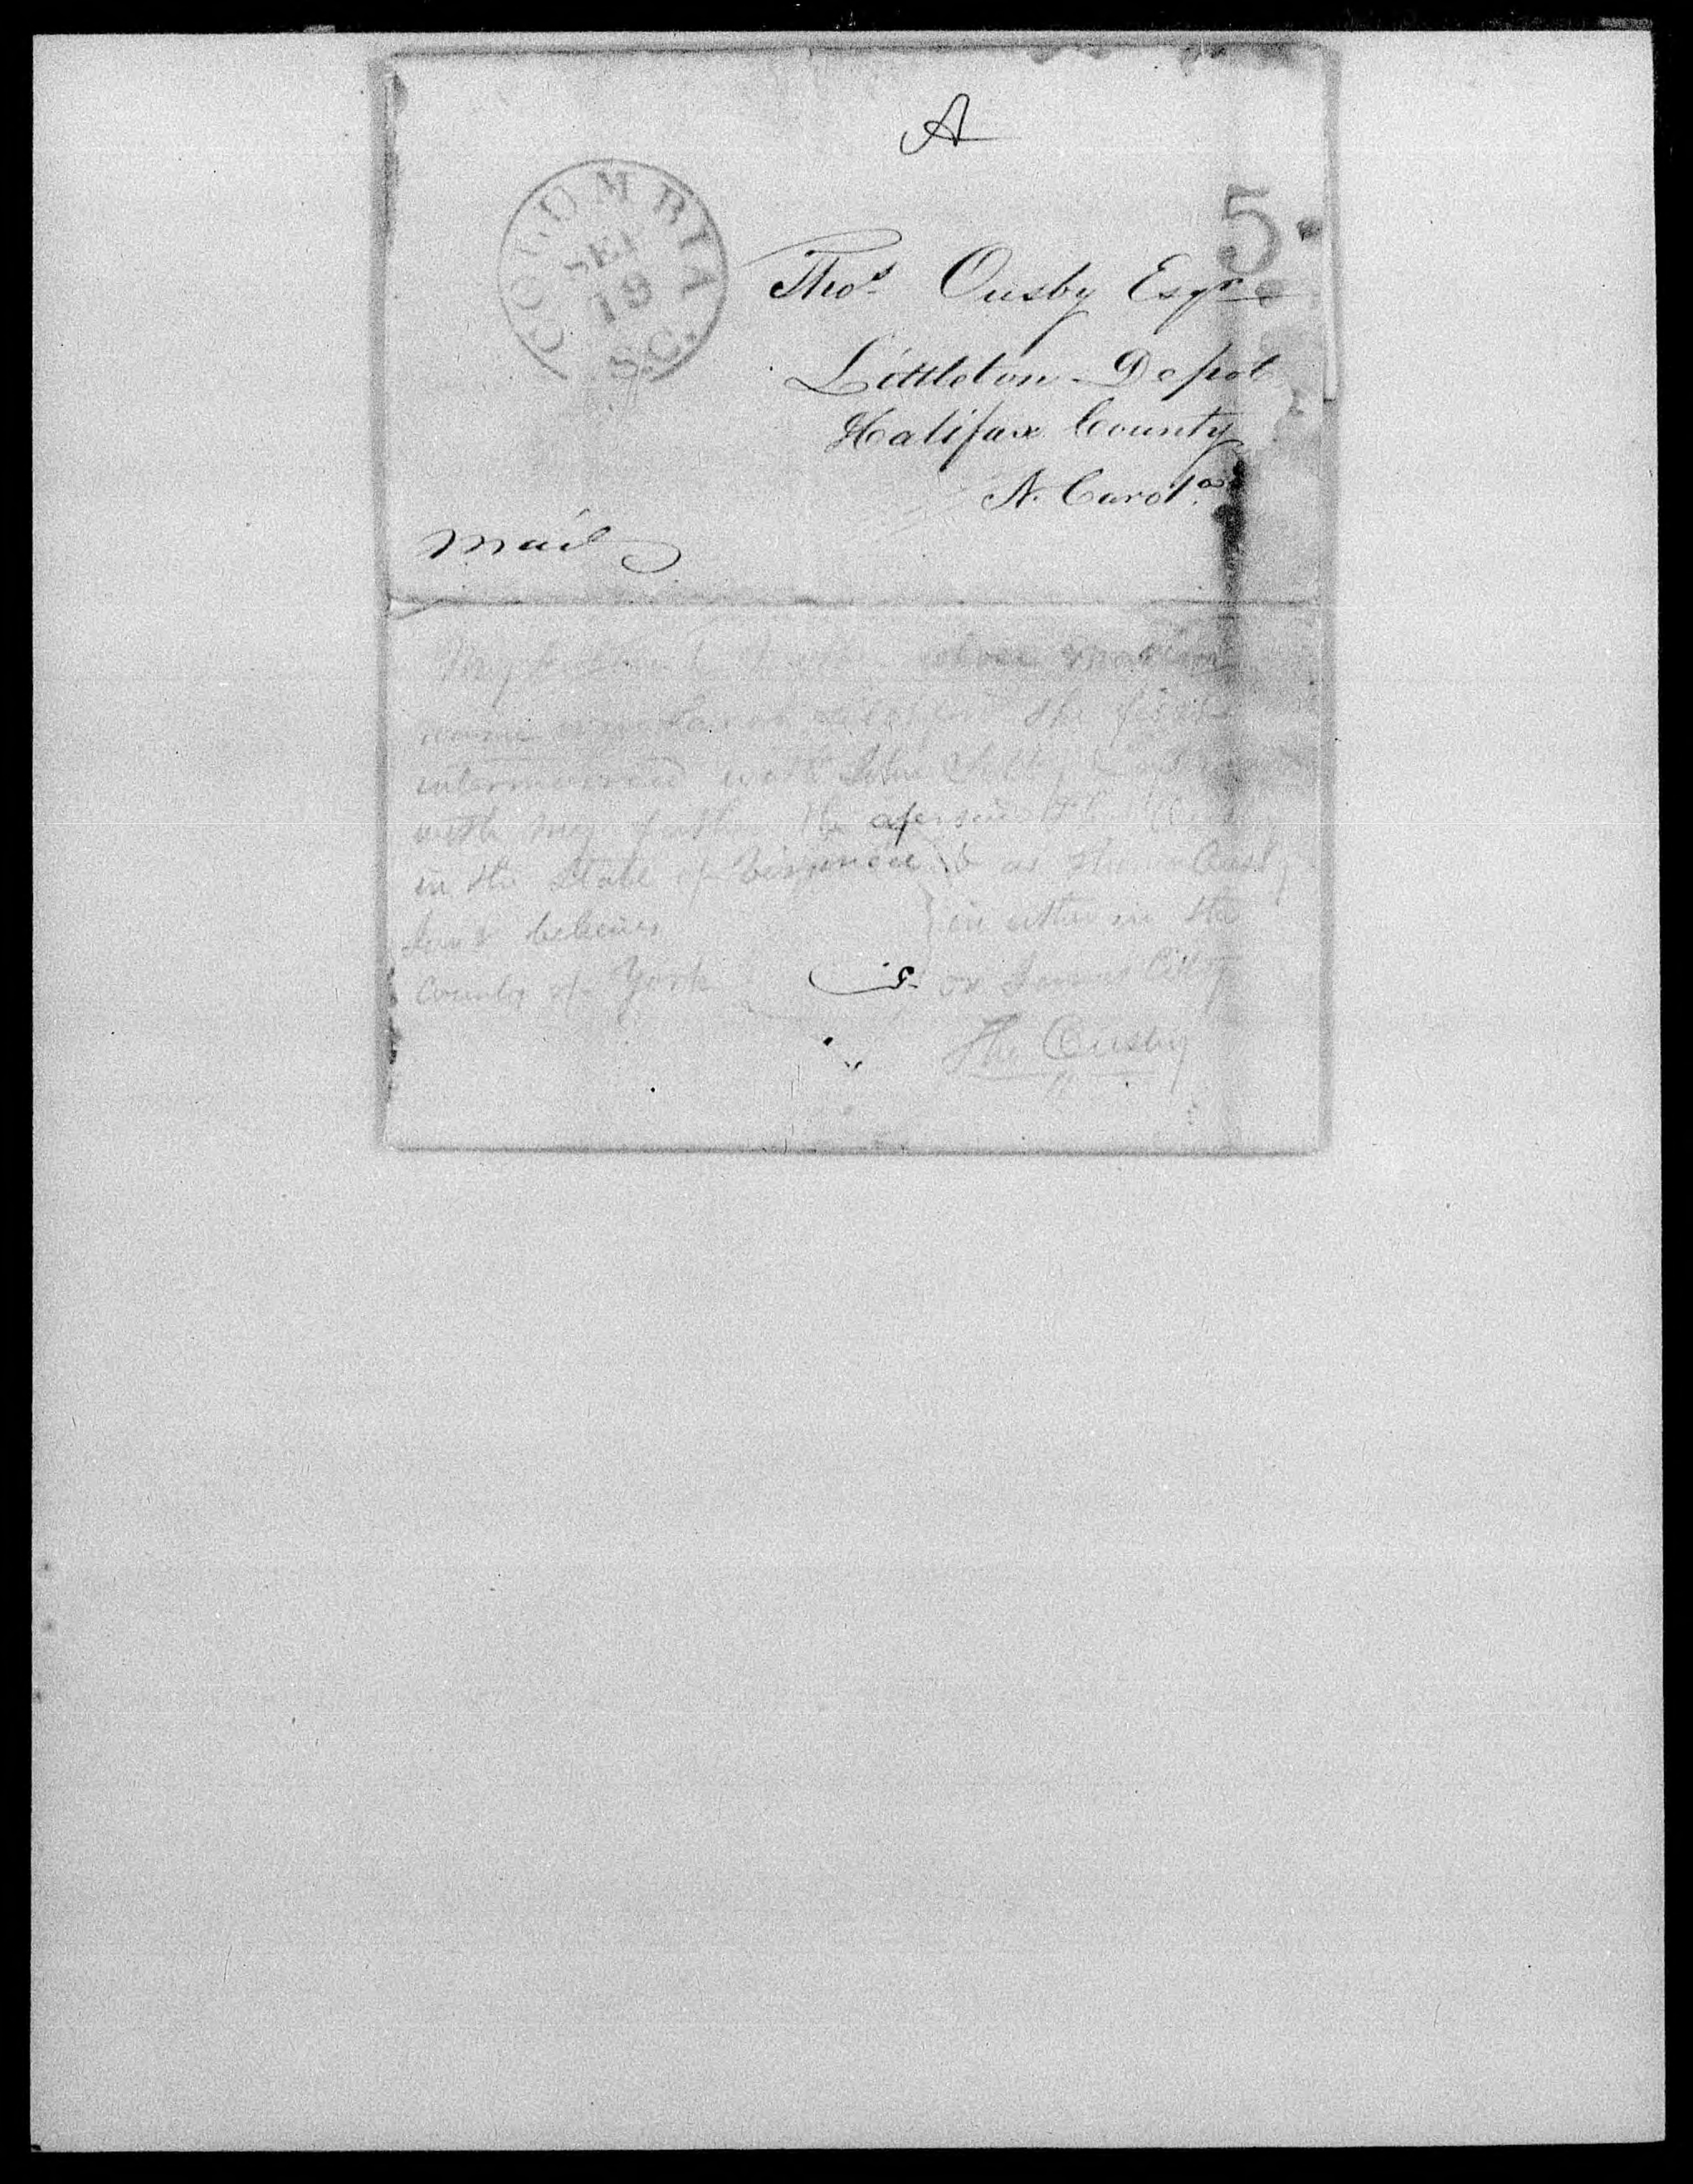(Stamped in upper left hand corner reads as follows): Columbia S.C. Sep 19

A

Thomas Ousby Esqr
Littleton Depot
Halifax County
N. Carolina

Mail

[Main letter body is illegible]

Thomas Ousby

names: Thos Ousby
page: 6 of 13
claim: bounty land warrant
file: B. L. Wt. 2455-200, for Thomas Ousby, South Carolina